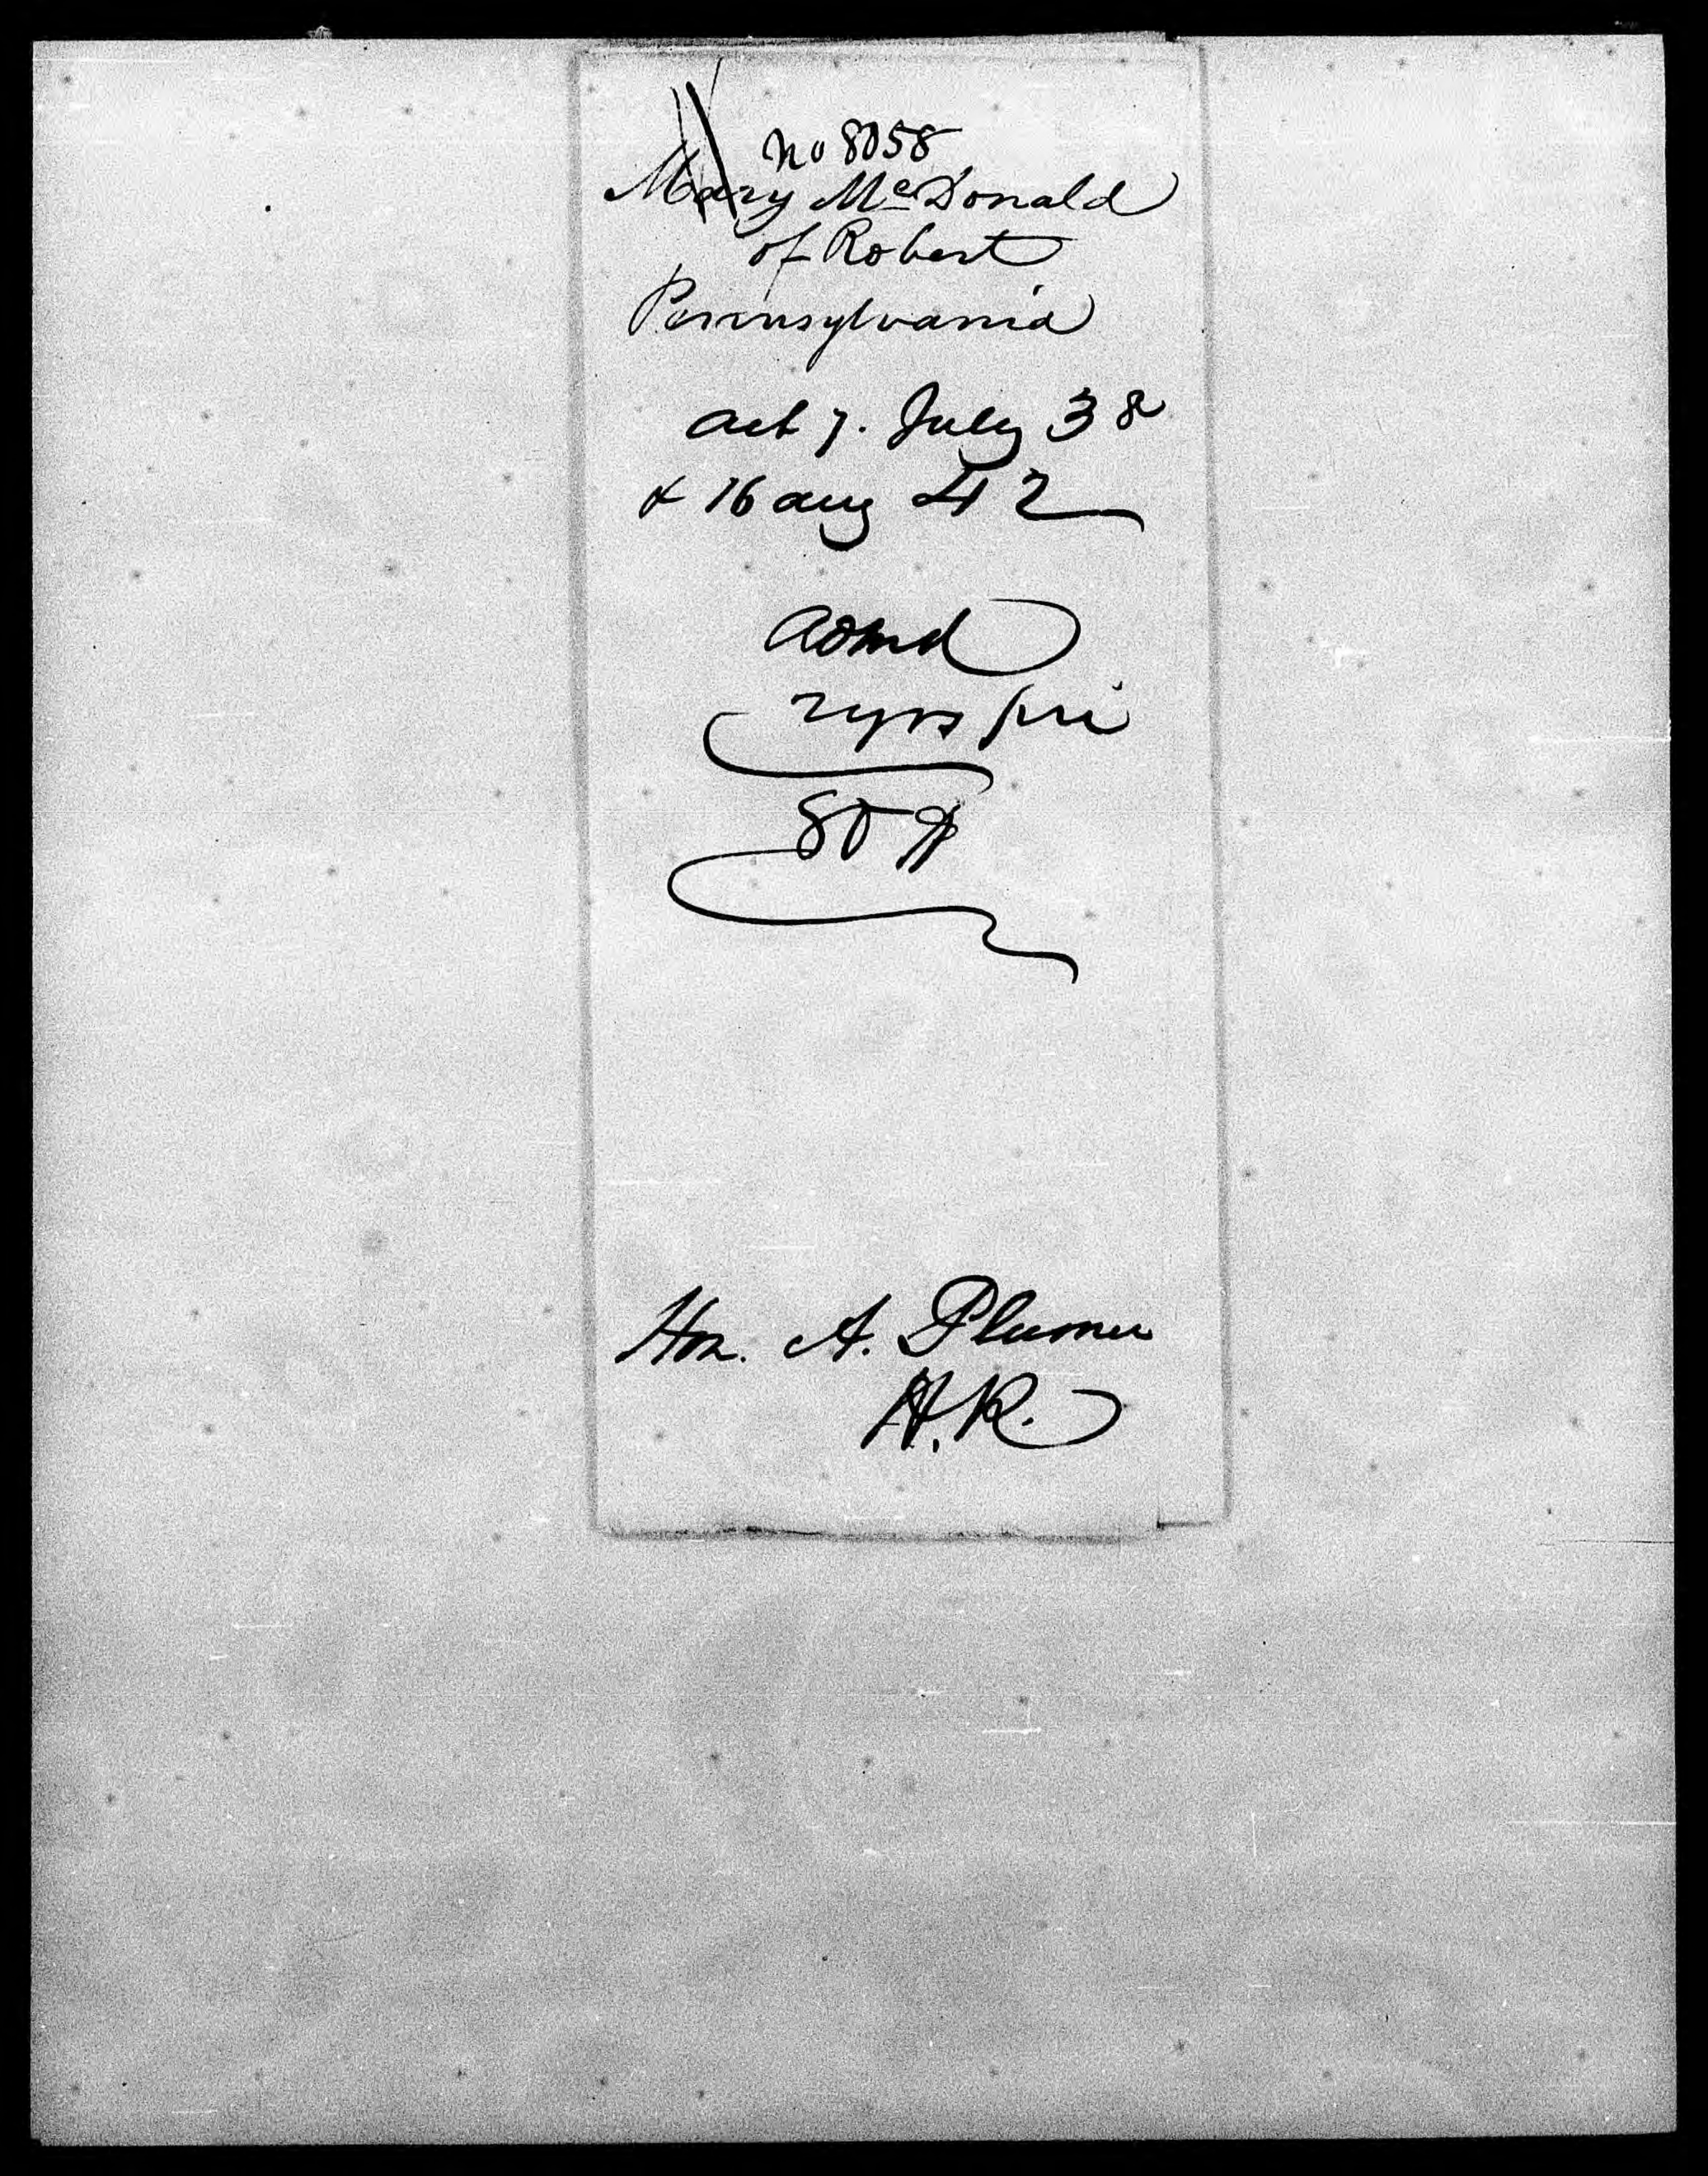No 8058
Mary McDonald
of Robert
Pennsylvania
Act 7 July 3rd 
& 16 Aug 42
AOMD
Ryn pri
8091
Hon A Plumer
H.R.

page: 18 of 59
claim: widow's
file: W 3703, for Robert Mc Donald, Pennsylvania